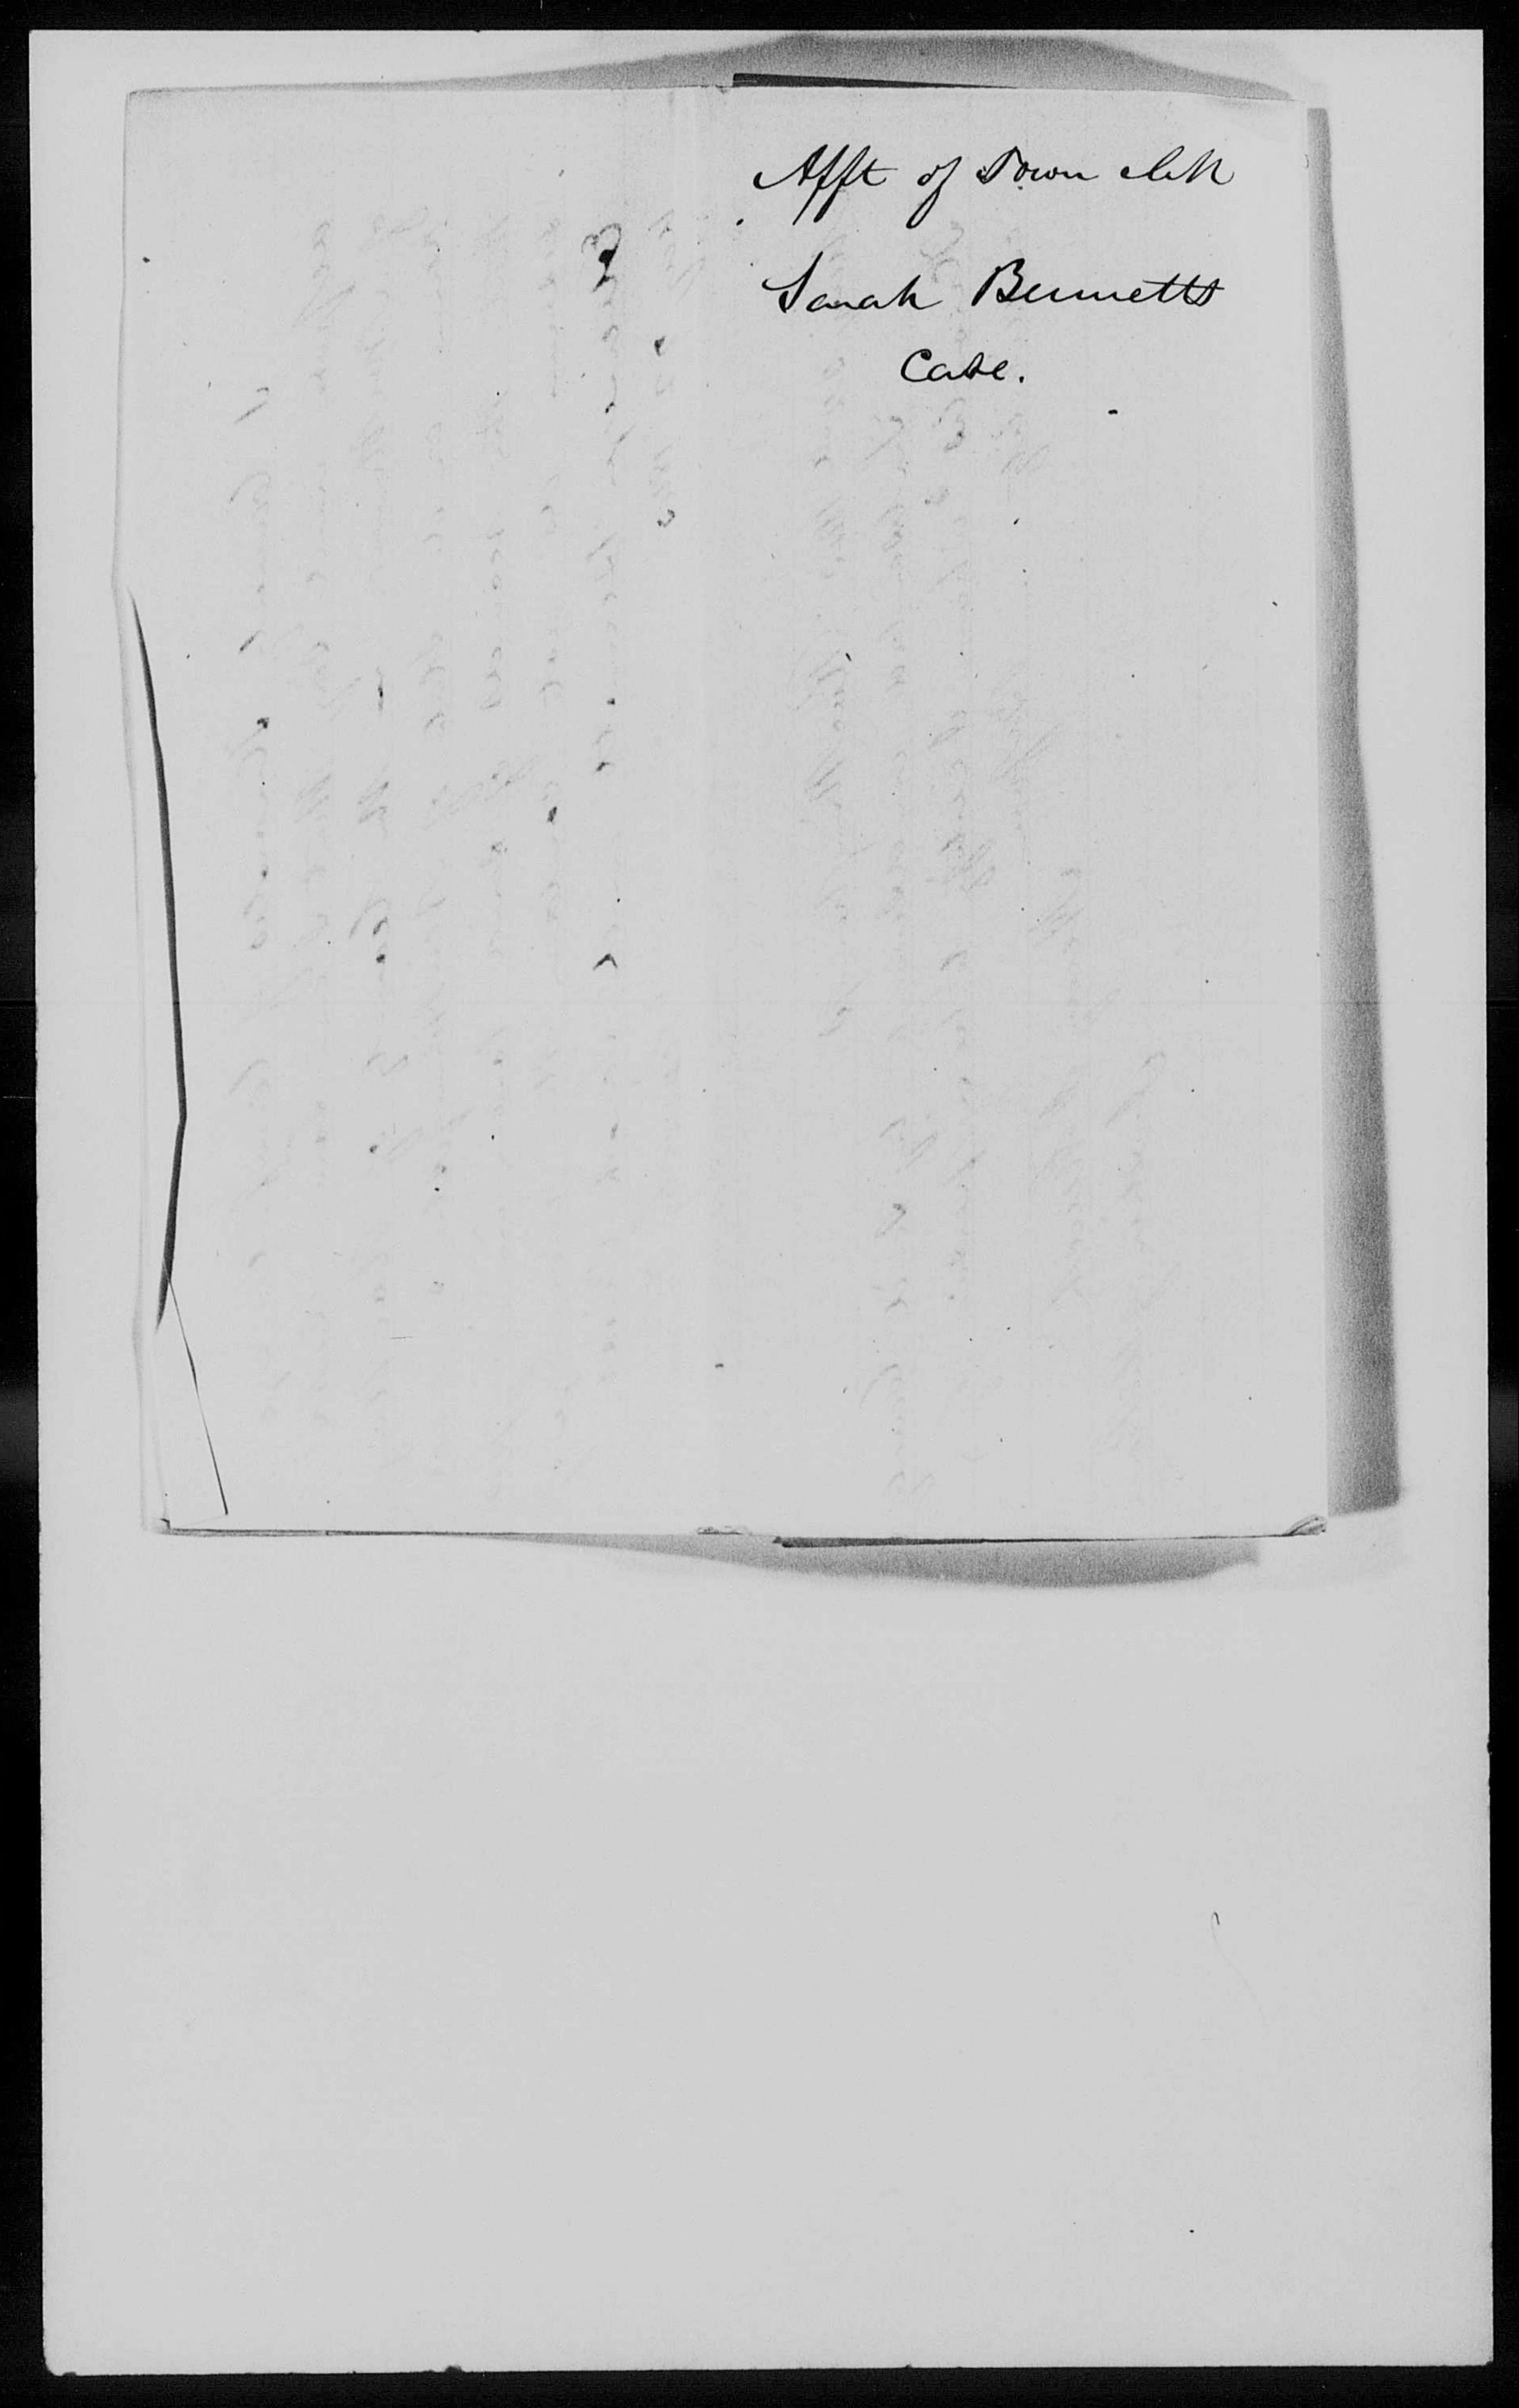Afft of Town clek
Sarah Bennetts
Case.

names: Sarah Bennett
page: 26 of 43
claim: widow's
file: W. 21665, Ebenezer Bennett, N. H. Privateer.